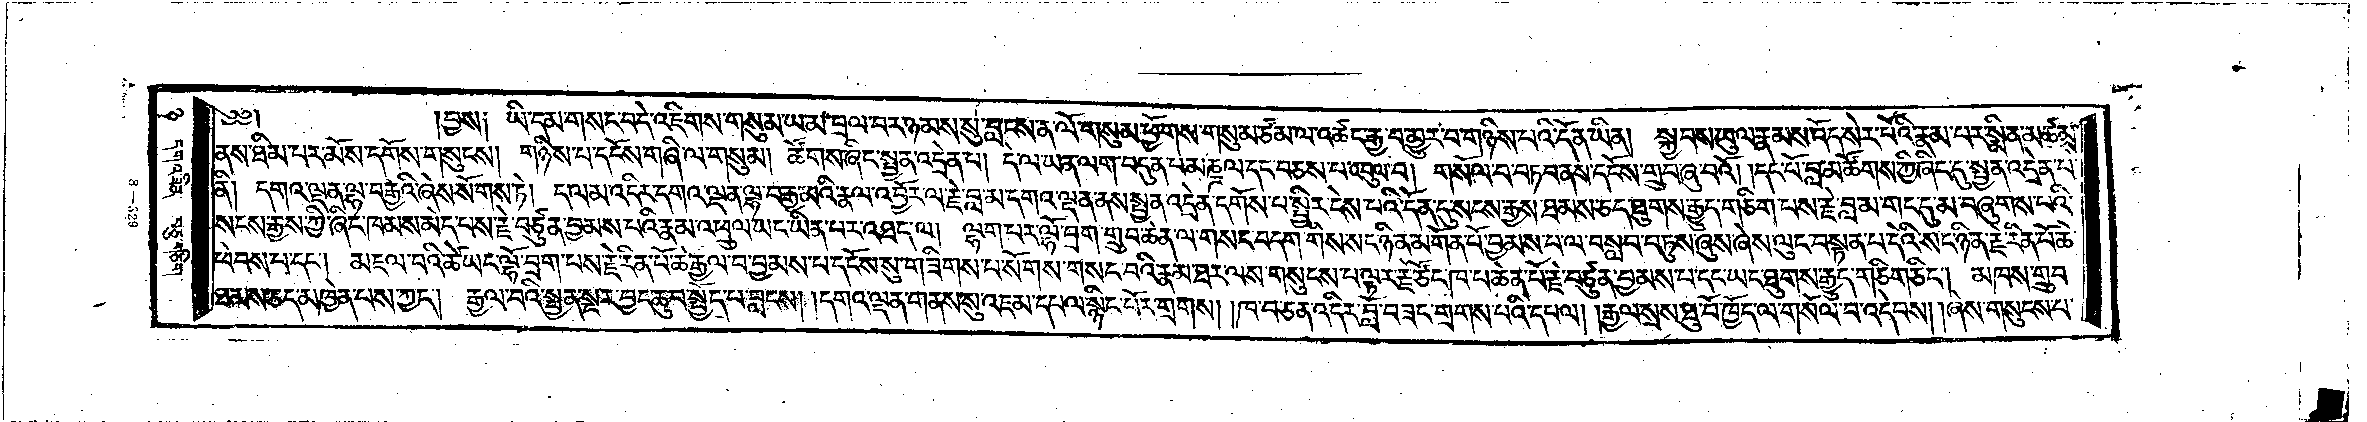༄༅། །བྱས༑ ཡི་དམ་གསང་བདེ་འཇིགས་གསུམ་ཡམ་?་བྲལ་བར་ཉམས་སུ་བླངས་ན་ལོ་གསུམ་ཕྱོགས་གསུམ་ཙམ་ལ་འཚང་རྒྱ་བ་མྱུར་བ་གཉིས་པའི་དོན་ཡིན། སྐྱབས་ཡུལ་རྣམས་འོད་སེར་པོའི་རྣམ་པར་སྨིན་མཚམས་
ནས་ཐིམ་པར་མོས་དགོས་གསུངས། གཉིས་པ་དངོས་གཞི་ལ་གསུམ། ཚོགས་ཞིང་སྤྱན་འདྲེན་པ། དེ་ལ་ཡན་ལག་བདུན་པ་མཎྜལ་དང་བཅས་པ་འབུལ་བ། གསོལ་བ་བཏབ་ནས་དངོས་གྲུབ་ཞུ་བའོ། །དང་པོ་བླ་མ་ཚོགས་ཀྱི་ཞིང་དུ་སྤྱན་འདྲེན་པ་
ནི། དགའ་ལྡན་ལྷ་བརྒྱའི་ཞེས་སོགས་ཏེ། ད་ལམ་འདིར་དགའ་ལྡན་ལྷ་བརྒྱ་མའི་རྣལ་འབྱོར་ལ་རྗེ་བླ་མ་དགའ་ལྡན་ནས་སྤྱན་འདྲེན་དགོས་པ་སྤྱིར་ངེས་པའི་དོན་དུ་སངས་རྒྱས་ཐམས་ཅད་ཐུགས་རྒྱུད་གཅིག་པས་རྗེ་བླ་མ་གང་དུ་མ་བཞུགས་པའི་
སངས་རྒྱས་ཀྱི་ཞིང་ཁམས་མེད་པས་རྗེ་བཙུན་བྱམས་པའི་རྣམ་འཕྲུལ་ཡང་ཡིན་པར་འཐད་ལ། ལྷག་པར་ལྷོ་བྲག་གྲུབ་ཆེན་ལ་གསང་བདག་གིས་སང་ཉིན་མགོན་པོ་བྱམས་པ་ལ་བསླབ་བཏུས་ཞུས་ཞེས་ལུང་བསྟན་པ་དེའི་སང་ཉིན་རྗེ་རིན་པོ་ཆེ་
ཕེབས་པ་དང་། མཇལ་བའི་ཚེ་ཡང་ལྷོ་བྲག་པས་རྗེ་རིན་པོ་ཆེ་རྒྱལ་བ་བྱམས་པ་དངོས་སུ་གཟིགས་པ་སོགས་གསང་བའི་རྣམ་ཐར་ལས་གསུངས་པ་ལྟར་རྗེ་ཙོང་ཁ་པ་ཆེན་པོ་རྗེ་བཙུན་བྱམས་པ་དང་ཡང་ཐུགས་རྒྱུད་གཅིག་ཅིང་། མཁས་གྲུབ་
ཐམས་ཅད་མཁྱེན་པས་ཀྱང་། རྒྱལ་བའི་སྤྱན་སྔར་བྱང་ཆུབ་སྤྱོད་པ་བླངས། །དགའ་ལྡན་གནས་སུ་འཇམ་དཔལ་སྙིང་པོར་གྲགས། །ཁ་བ་ཅན་འདིར་བློ་བཟང་གྲགས་པའི་དཔལ། །རྒྱལ་སྲས་ཐུ་བོ་ཁྱོད་ལ་གསོལ་བ་འདེབས། །ཞེས་གསུངས་པ་